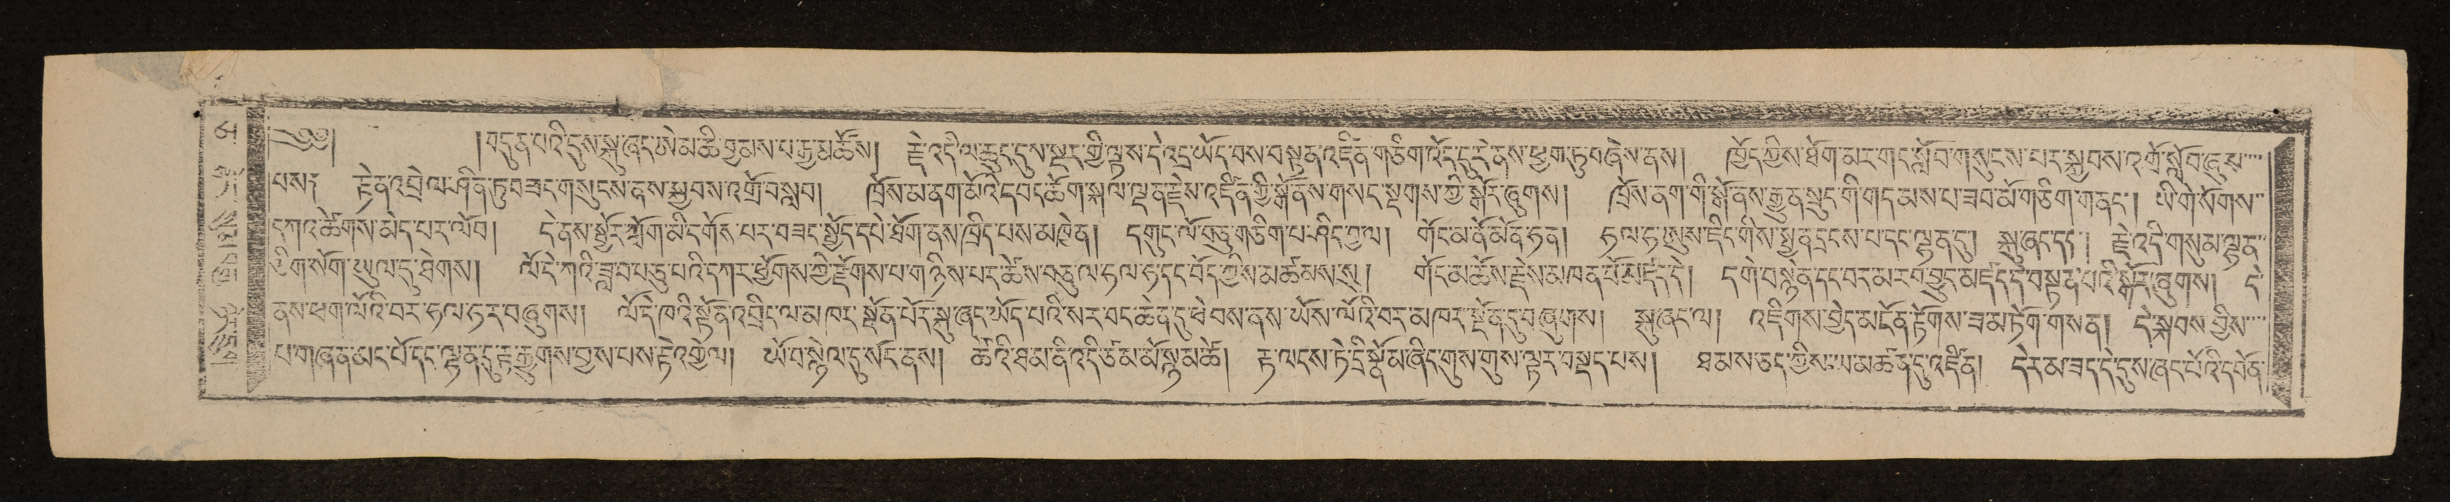༄༅། །བདུན་པའི་དུས་སྐུ་ཞང་ཨེ་མཆི་བྱམས་པ་རྒྱ་མཚོས། རྗེ་འདི་ལ་ཆུང་དུས་སྔར་གྱི་ལྟས་དེ་འདྲ་ཡོད་པས་བསྟན་འཛིན་གཅིག་འོད་དུ་རེ་ནས་ཕྱག་ཏུ་བཞེས་ནས། ཁྱོད་ཀྱིས་ཐོག་མར་གང་སློབ་གསུངས་པར་སྐྱབས་འགྲོ་སློབ་ཞུས་
པས༑ རྟེན་འབྲེལ་ཤིན་ཏུ་བཟང་གསུངས་ནས་སྐྱབས་འགྲོ་བསླབ། ཁྲོས་མ་ནག་མོའི་དབང་ཆོག་སྐལ་ལྡན་རྗེས་འཛིན་གྱི་སྒོ་ནས་གསང་སྔགས་ཀྱི་སྒོར་ཞུགས། ཁྲོས་ནག་གི་སྒོ་ནས་རྒྱུན་སྲུང་གི་གདམས་པ་ཟབ་མོ་གཅིག་གནང་། ཡི་གེ་སོགས་
དཀའ་ཚེགས་མེད་པར་ལོབ། དེ་ནས་སྦྱོར་ཀློག་མི་དགོས་པར་བཟང་སྤྱོད་དཔེ་ཐོག་ནས་ཁྲིད་པས་མཁྱེན། དགུང་ལོ་བཅུ་གཅིག་པ་ཤིང་བྱ་ལ། གོང་མནོ་མོན་ཧན། ཧལ་ཧ་ཨུས་ཇིང་གིས་སྤྱན་དྲངས་པ་དང་ལྷན་དུ། སྐུ་ཞང་དང་། རྗེ་འདི་གསུམ་ལྷན་
ཅིག་སོག་ཡུལ་དུ་ཐེགས། ལོ་དེ་ཀའི་ཟླ་བ་བཅུ་བའི་དཀར་ཕྱོགས་ཀྱི་རྫོགས་པ་གཉིས་པར་ཚེས་བཅུ་ལ་ཧལ་ཧ་དང་བོད་ཀྱིས་མཚམས་སུ། གོང་མ་ཆོས་རྗེས་མཁན་པོ་མཛད་དེ། དགེ་བསྙན་དང་བར་མ་རབ་བྱུང་མཛད་དེ་བསྟན་པའི་སྒོར་ཞུགས། དེ་
ནས་ཕག་ལོའི་བར་ཧལ་ཧར་བཞུགས། ལོ་དེ་ཁའི་སྟོན་འབྲིང་ལ་མཁར་སྔོན་པོར་སྐུ་ཞད་ཡོད་པའི་སར་བང་ཆེན་དུ་ཕེབས་ནས་ཡོས་ལོའི་བར་མཁར་སྔོན་དུ་བཞུགས། སྐུ་ཞང་ལ། འཇིགས་བྱེད་མངོན་རྟོགས་ཟ་མ་ཏོག་གསན། དེ་སྐབས་བྱིས་
པ་གཞན་མང་པོ་དང་ལྷན་དུ་རྟ་རྒྱུགས་བྱས་པས་རྟ་འགྱེལ། ཡོབ་སྙེལ་དུ་སོང་ནས། ཚེའི་ཐ་མ་ནི་འདི་ཙམ་མོ་སྙམ་ཚེ། རྟ་ལངས་ཏེ་དྲི་སྣོམ་ཞིང་གུས་གུས་ལྟར་བསྡད་པས། ཐམས་ཅད་ཀྱིས་ཡ་མཚན་དུ་འཛིན། དེར་མ་ཟད་དེ་དུས་ཞང་བོའི་དཔོན་